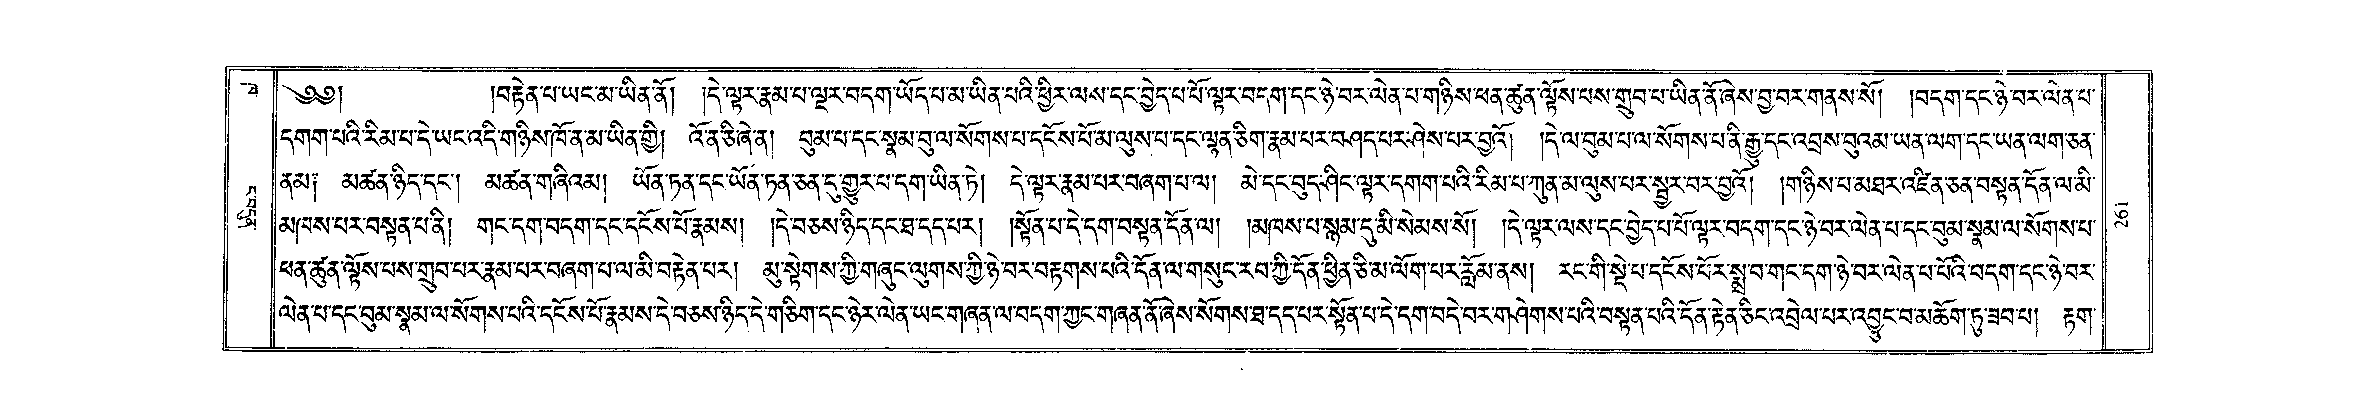༄༅། །བརྟེན་པ་ཡང་མ་ཡིན་ནོ། །དེ་ལྟར་རྣམ་པ་ལྔར་བདག་ཡོད་པ་མ་ཡིན་པའི་ཕྱིར་ལས་དང་བྱེད་པ་པོ་ལྟར་བདག་དང་ཉེ་བར་ལེན་པ་གཉིས་ཕན་ཚུན་ལྟོས་པས་གྲུབ་པ་ཡིན་ནོ་ཞེས་བྱ་བར་གནས་སོ། །བདག་དང་ཉེ་བར་ལེན་པ་
དགག་པའི་རིམ་པ་དེ་ཡང་འདི་གཉིས་ཁོ་ན་མ་ཡིན་གྱི། འོ་ན་ཅི་ཞེ་ན། བུམ་པ་དང་སྣམ་བུ་ལ་སོགས་པ་དངོས་པོ་མ་ལུས་པ་དང་ལྷན་ཅིག་རྣམ་པར་བཤད་པར་ཤེས་པར་བྱའོ། །དེ་ལ་བུམ་པ་ལ་སོགས་པ་ནི་རྒྱུ་དང་འབྲས་བུའམ་ཡན་ལག་དང་ཡན་ལག་ཅན་
ནམ༑ མཚན་ཉིད་དང་། མཚན་གཞིའམ། ཡོན་ཏན་དང་ཡོན་ཏན་ཅན་དུ་གྱུར་པ་དག་ཡིན་ཏེ། དེ་ལྟར་རྣམ་པར་བཞག་པ་ལ། མེ་དང་བུད་ཤིང་ལྟར་དགག་པའི་རིམ་པ་ཀུན་མ་ལུས་པར་སྦྱར་བར་བྱའོ། །གཉིས་པ་མཐར་འཛིན་ཅན་བསྟན་དོན་ལ་མི་
མཁས་པར་བསྟན་པ་ནི། གང་དག་བདག་དང་དངོས་པོ་རྣམས། །དེ་བཅས་ཉིད་དང་ཐ་དད་པར། །སྟོན་པ་དེ་དག་བསྟན་དོན་ལ། །མཁས་པ་སྙམ་དུ་མི་སེམས་སོ། །དེ་ལྟར་ལས་དང་བྱེད་པ་པོ་ལྟར་བདག་དང་ཉེ་བར་ལེན་པ་དང་བུམ་སྣམ་ལ་སོགས་པ་
ཕན་ཚུན་ལྟོས་པས་གྲུབ་པར་རྣམ་པར་བཞག་པ་ལ་མི་བརྟེན་པར། མུ་སྟེགས་ཀྱི་གཞུང་ལུགས་ཀྱི་ཉེ་བར་བརྟགས་པའི་དོན་ལ་གསུང་རབ་ཀྱི་དོན་ཕྱིན་ཅི་མ་ལོག་པར་རློམ་ནས། རང་གི་སྡེ་པ་དངོས་པོར་སྨྲ་བ་གང་དག་ཉེ་བར་ལེན་པ་པོའི་བདག་དང་ཉེ་བར་
ལེན་པ་དང་བུམ་སྣམ་ལ་སོགས་པའི་དངོས་པོ་རྣམས་དེ་བཅས་ཉིད་དེ་གཅིག་དང་ཉེར་ལེན་ཡང་གཞན་ལ་བདག་ཀྱང་གཞན་ནོ་ཞེས་སོགས་ཐ་དད་པར་སྟོན་པ་དེ་དག་བདེ་བར་གཤེགས་པའི་བསྟན་པའི་དོན་རྟེན་ཅིང་འབྲེལ་པར་འབྱུང་བ་མཆོག་ཏུ་ཟབ་པ། རྟག་